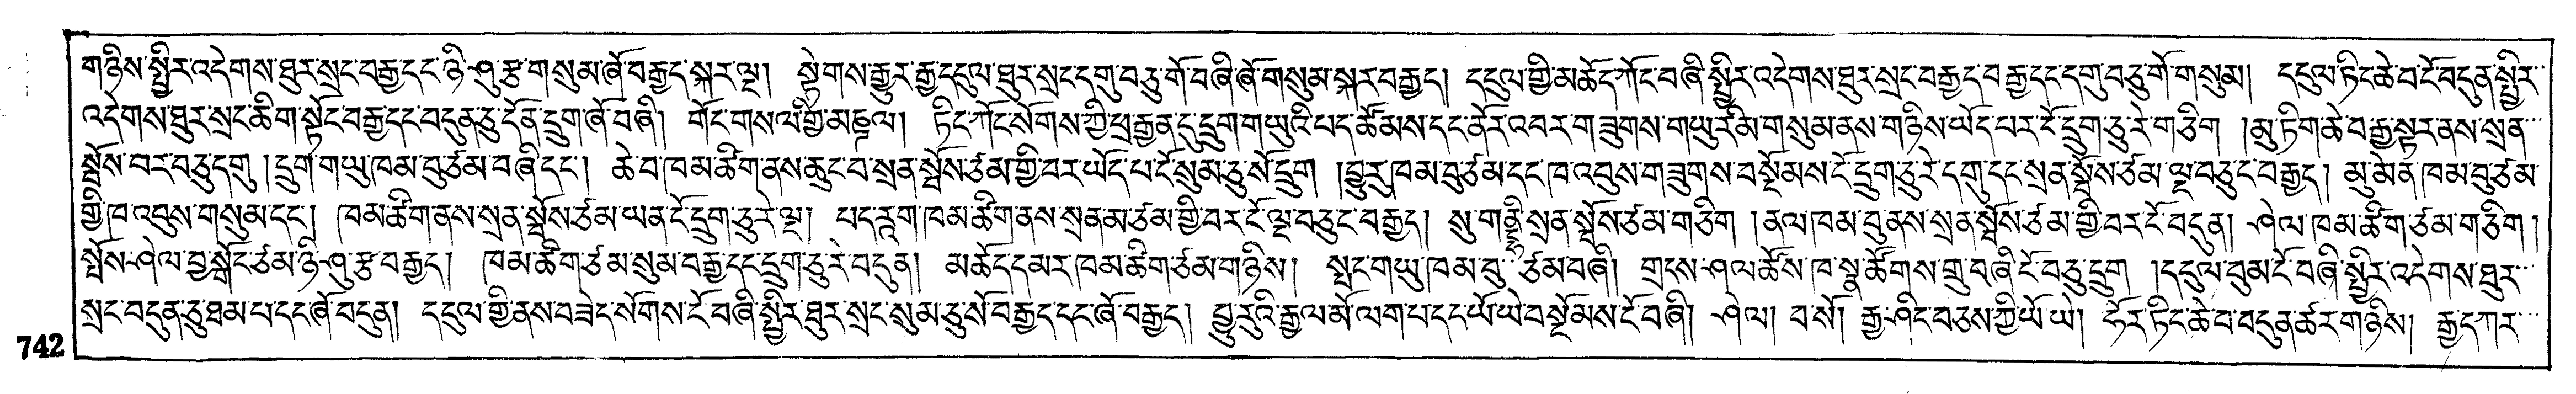གཉིས་སྤྱིར་འདེགས་ཐུར་སྲང་བརྒྱ་དང་ཉི་ཤུ་རྩ་གསུམ་ཞོ་བརྒྱད་སྐར་ལྔ། སྟེགས་རྒྱུར་རྒྱ་དངུལ་ཐུར་སྲང་དགུ་བཅུ་གོ་བཞི་ཞོ་གསུམ་སྐར་བརྒྱད། དངུལ་གྱི་མཆོད་ཀོང་བཞི་སྤྱིར་འདེགས་ཐུར་སྲང་བརྒྱད་བརྒྱ་དང་དགུ་བཅུ་གོ་གསུམ། དངུལ་ཏིང་ཆེ་བ་ངོ་བདུན་སྤྱིར་
འདེགས་ཐུར་སྲང་ཆིག་སྟོང་བརྒྱ་དང་བདུན་ཅུ་དོན་དྲུག་ཞོ་བཞི། གོང་གསལ་གྱི་མཎྜལ། ཏིང་ཀོང་སོགས་ཀྱི་ཕྲ་རྒྱན་དུ་དྲུག་གཡུའི་པད་ཚོམས་དང་ནོར་འབར་གཟུགས་གཡུ་རིམ་གསུམ་ནས་གཉིས་ཡོད་པར་དོ་དྲུག་ཅུ་རེ་གཅིག །མུ་ཏིག་ཆེ་བ་རྒྱུ་སྟར་ནས་སྲན་
སྤོས་བར་བཅུ་དགུ །དྲུག་གཡུ་ཁམ་བུ་ཙམ་བཞི་དང་། ཆེ་བ་ཁམ་ཆིག་ནས་ཆུང་བ་སྲན་སྤོས་ཙམ་གྱི་བར་ཡོད་པ་ངོ་སུམ་ཅུ་སོ་དྲུག །བྱུ་རུ་ཁམ་བུ་ཙམ་དང་ཁ་འབུས་གཟུགས་བསྡོམས་ངོ་དྲུག་ཅུ་རེ་དགུ་དང་སྲན་སྤོས་ཙམ་ལྔ་བཅུ་ང་བརྒྱད། མུ་མེན་ཁམ་བུ་ཙམ་
གྱི་ཁ་འབུས་གསུམ་དང་། ཁམ་ཚིག་ནས་སྲན་སྦོས་ཙམ་ཡ་ན་ངོ་དྲུག་ཅུ་རེ་ལྔ། པད་རཱག་ཁམ་ཆིག་ནས་སྲན་མ་ཙམ་གྱི་བར་ངོ་ལྔ་བཅུ་ང་བརྒྱད། སུ་གནྡྷི་སྲན་སྦོས་ཙམ་གཅིག །ནལ་ཁམ་བུ་ནས་སྲན་སྤོས་ཙམ་གྱི་བར་ངོ་བདུན། ཤེལ་ཁམ་ཆིག་ཙམ་གཅིག།
སྤོས་ཤེལ་བྱ་སྒོང་ཙམ་ཉི་ཤུ་རྩ་བརྒྱད། ཁམ་ཚིག་ཙམ་སུམ་བརྒྱ་དང་དྲུག་ཅུ་རེ་བདུན། མཆོད་དམར་ཁམ་ཚིག་ཙམ་གཉིས། སྤང་གཡུ་ཁམ་བུ་ཙམ་བཞི། དྭངས་ཤེལ་ཚོས་ཁ་སྣ་སོགས་གྲུ་བཞི་ངོ་བཅུ་དྲུག །དངུལ་བུམ་དོ་བཞི་སྤྱིར་འདེགས་ཐུར་
སྲང་བདུན་ཅུ་ཐམ་པ་དང་ཞོ་བདུན། དངུལ་གྱི་ནས་བཟེད་སོགས་ངོ་བཞི་སྤྱིར་ཐུར་སྲང་སུམ་ཅུ་སོ་བརྒྱད་དང་ཞོ་བརྒྱད། བྱུ་རུའི་རྒྱལ་མོ་ལག་པ་དང་ཡོ་ཡེ་བསྡོམས་ངོ་བཞི། ཤེལ། བ་སོ། རྒྱ་ཤིང་བཅས་ཀྱི་ཡོ་ཡེ། ཧོར་ཏིང་ཆེ་བ་བདུན་ཚར་གཉིས། རྒྱ་དཀར་